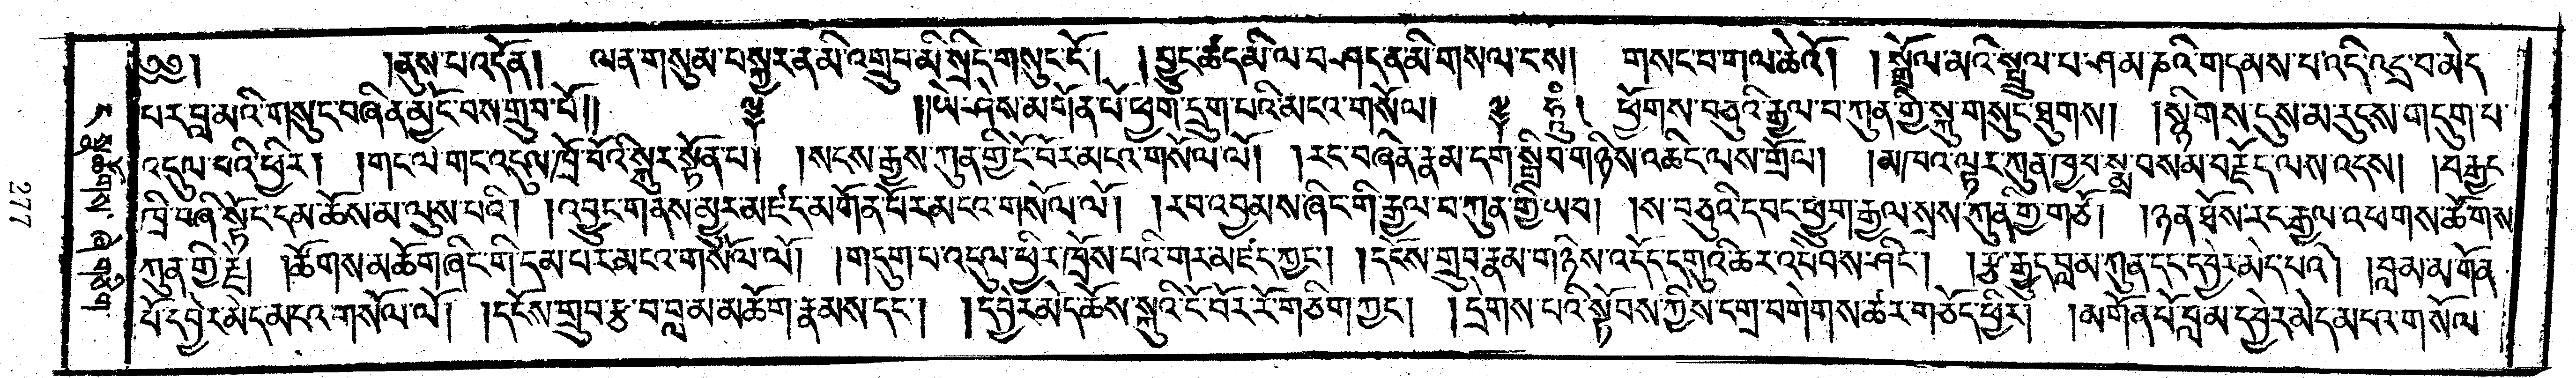༄༅། །ནུས་པ་འདོན། ལན་གསུམ་བསྐྱར་ན་མི་འགྲུབ་མི་སྲིད་གསུང་ངོ། །བྱུང་ཚད་མི་ལ་བཤད་ན་མི་གསལ་ངས། གསང་བ་གལ་ཆེའོ། །སྒྲོལ་མའི་སྤྲུལ་པ་ཤ་མ་ཎའི་གདམས་པ་འདི་འདྲ་བ་མེད་
པར་བླ་མའི་གསུང་བཞིན་མྱོང་བས་གྲུབ་པོ།། ༈ །།ཡེ་ཤེས་མགོན་པོ་ཕྱག་དྲུག་པའི་མངའ་གསོལ། ༈ ཧཱུཾ། ཕྱོགས་བཅུའི་རྒྱལ་བ་ཀུན་གྱི་སྐུ་གསུང་ཐུགས། །སྙིགས་དུས་མ་རུངས་གདུག་པ་
འདུལ་པའི་ཕྱིར། །གང་ལ་གང་འདུལ་ཁྲོ་བོའི་སྐུར་སྟོན་པ། །སངས་རྒྱས་ཀུན་གྱི་ངོ་བོར་མངའ་གསོལ་ལོ། །རང་བཞིན་རྣམ་དག་སྒྲིབ་གཉིས་འཆིང་ལས་གྲོལ། །མཁའ་ལྟར་ཀུན་ཁྱབ་སྨྲ་བསམ་བརྗོད་ལས་འདས། །བརྒྱད་
ཁྲི་བཞི་སྟོང་དམ་ཆོས་མ་ལུས་པའི། །འབྱུང་གནས་མྱུར་མཛད་མགོན་པོར་མངའ་གསོལ་ལོ། །རབ་འབྱམས་ཞིང་གི་རྒྱལ་བ་ཀུན་གྱི་ཡབ། །ས་བཅུའི་དབང་ཕྱུག་རྒྱལ་སྲས་ཀུན་གྱི་གཙོ། །ཉན་ཐོས་རང་རྒྱལ་འཕགས་ཚོགས་
ཀུན་གྱི་རྗེ། །ཚོགས་མཆོག་ཞིང་གི་དམ་པར་མངའ་གསོལ་ལོ། །གདུག་པ་འདུལ་ཕྱིར་ཁྲོས་པའི་གར་མཛད་ཀྱང་། །དངོས་གྲུབ་རྣམ་གཉིས་འདོད་དགུའི་ཆར་འབེབས་ཤིང་། །རྩ་རྒྱུད་བླ་མ་ཀུན་དང་དབྱེར་མེད་པའི། །བླ་མ་མགོན་
པོ་དབྱེར་མེད་མངའ་གསོལ་ལོ། །དངོས་གྲུབ་རྩ་བ་བླ་མ་མཆོག་རྣམས་དང་། །དབྱེར་མེད་ཆོས་སྐུའི་ངོ་བོར་རོ་གཅིག་ཀྱང་། །དྲེགས་པའི་སྟོབས་ཀྱིས་དགྲ་བགེགས་ཚར་གཅོད་ཕྱིར། །མགོན་པོ་བླ་མ་དབྱེར་མེད་མངའ་གསོལ་